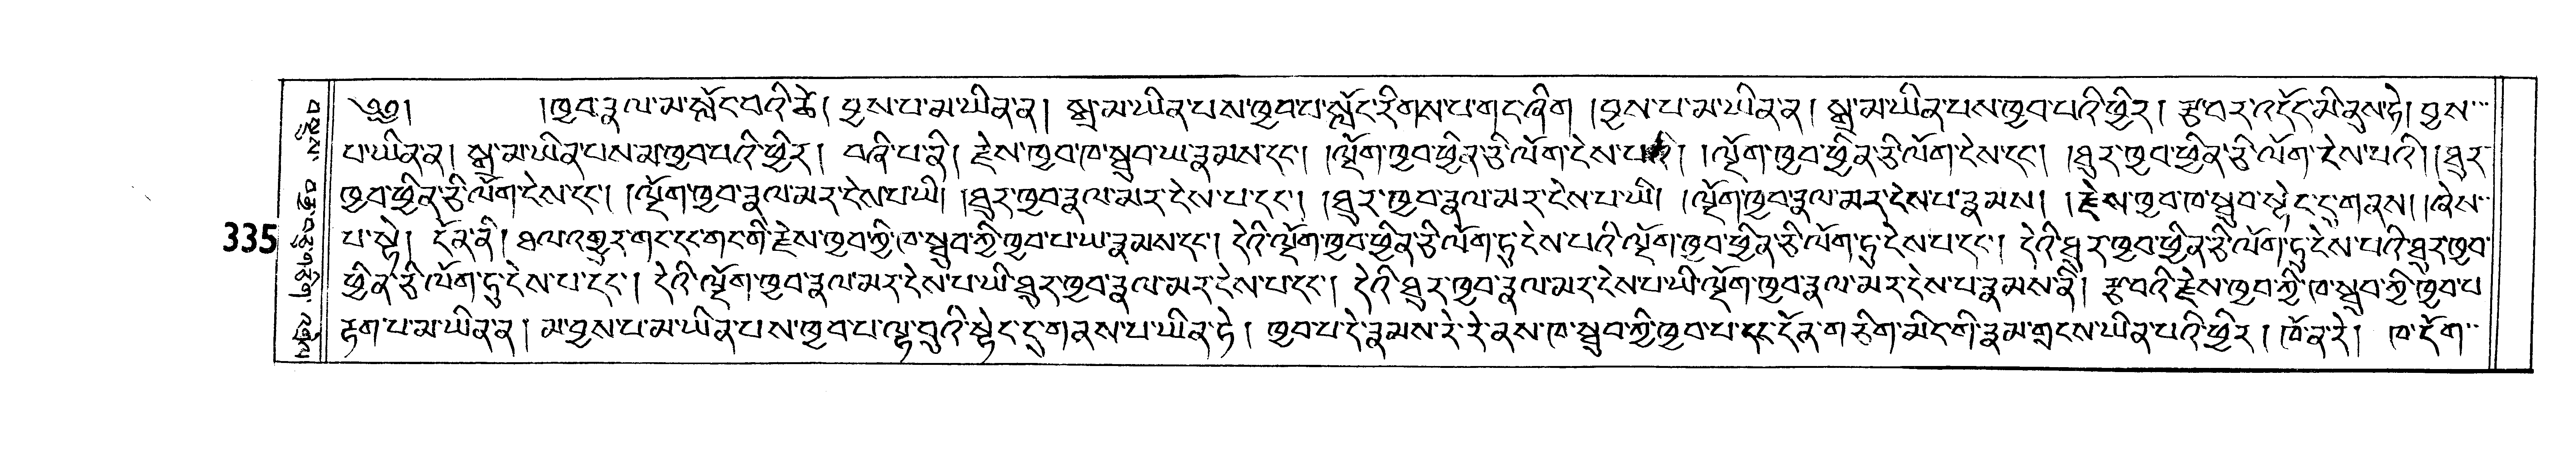༄༅། །ཁྱབ་རྣལ་མ་སློང་བའི་ཚེ། བྱས་པ་མ་ཡིན་ན། སྒྲ་མ་ཡིན་པས་ཁྱབ་པ་སློང་རིགས་པ་གང་ཞིག །བྱས་པ་མ་ཡིན་ན། སྒྲ་མ་ཡིན་པས་ཁྱབ་པའི་ཕྱིར། རྩ་བར་འདོད་མི་ནུས་ཏེ། བྱས་
པ་ཡིན་ན། སྒྲ་མ་ཡིན་པས་མ་ཁྱབ་པའི་ཕྱིར། བཞི་པ་ནི། རྗེས་ཁྱབ་ཁ་སྦུབ་ཡ་རྣམས་དང་། །ལྡོག་ཁྱབ་ཕྱིན་ཅི་ལོག་ངེས་པའི། །ལྡོག་ཁྱབ་ཕྱིན་ཅི་ལོག་ངེས་དང་། །ཐུར་ཁྱབ་ཕྱིན་ཅི་ལོག་ངེས་པའི། །ཐུར་
ཁྱབ་ཕྱིན་ཅི་ལོག་ངེས་དང་། །ལྡོག་ཁྱབ་རྣལ་མར་ངེས་པ་ཡི། །ཐུར་ཁྱབ་རྣལ་མར་ངེས་པ་དང་། །ཐུར་ཁྱབ་རྣལ་མར་ངེས་པ་ཡི། །ལྡོག་ཁྱབ་རྣལ་མར་ངེས་པ་རྣམས། །རྗེས་ཁྱབ་ཁ་སྦུབ་སྟེང་དུ་གནས། །ཞེས་
པ་སྟེ། དོན་ནི། ཐལ་འགྱུར་གང་དང་གང་གི་རྗེས་ཁྱབ་ཀྱི་ཁ་སྦུབ་ཀྱི་ཁྱབ་པ་ཡ་རྣམས་དང་། དེའི་ལྡོག་ཁྱབ་ཕྱིན་ཅི་ལོག་ཏུ་ངེས་པའི་ལྡོག་ཁྱབ་ཕྱིན་ཅི་ལོག་ཏུ་ངེས་པ་དང་། དེའི་ཐུར་ཁྱབ་ཕྱིན་ཅི་ལོག་ཏུ་ངེས་པའི་ཐུར་ཁྱབ་
ཕྱིན་ཅི་ལོག་ཏུ་ངེས་པ་དང་། དེའི་ལྡོག་ཁྱབ་རྣལ་མར་ངེས་པ་ཡི་ཐུར་ཁྱབ་རྣལ་མར་ངེས་པ་དང་། དེའི་ཐུར་ཁྱབ་རྣལ་མར་ངེས་པ་ཡི་ལྡོག་ཁྱབ་རྣལ་མར་ངེས་པ་རྣམས་ནི། རྩ་བའི་རྗེས་ཁྱབ་ཀྱི་ཁ་སྦུབ་ཀྱི་ཁྱབ་པ་
རྟག་པ་མ་ཡིན་ན། མ་བྱས་པ་མ་ཡིན་པས་ཁྱབ་པ་ལྟ་བུའི་སྟེང་དུ་གནས་པ་ཡིན་ཏེ། ཁྱབ་པ་དེ་རྣམས་རེ་རེ་ནས་ཁ་སྦུབ་ཀྱི་ཁྱབ་པ་དང་དོན་གཅིག་མིང་གི་རྣམ་གྲངས་ཡིན་པའི་ཕྱིར། ཁོ་ན་རེ། ཁ་དོག་